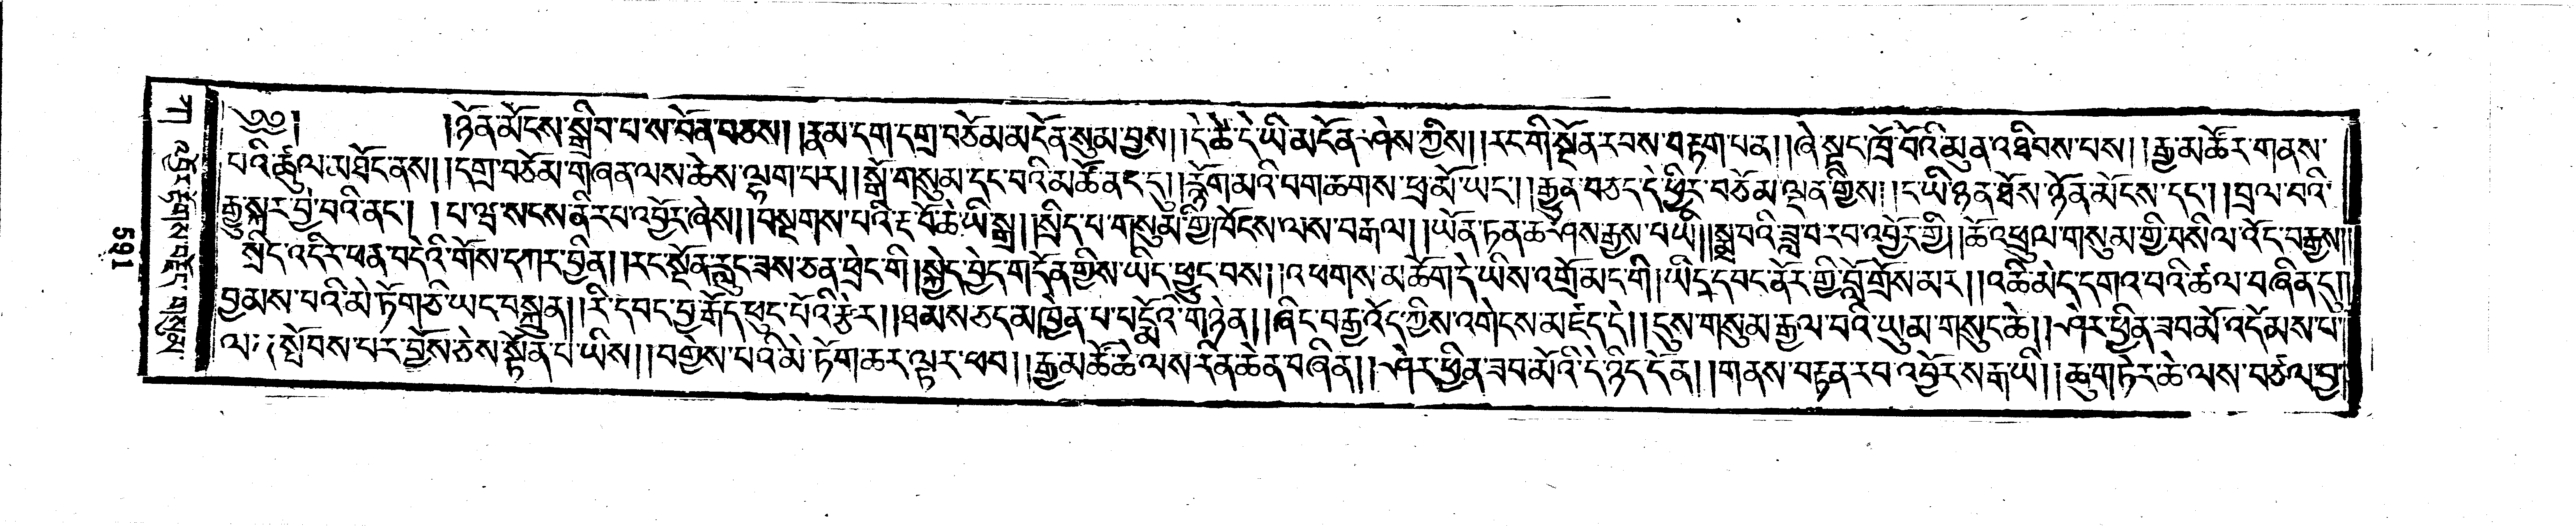༄༅། །ཉོན་མོངས་སྒྲིབ་པ་ས་བོན་བཅས། །རྣམ་དག་དགྲ་བཅོམ་མངོན་སུམ་བྱས། །དེ་ཚེ་དེ་ཡི་མངོན་ཤེས་གྱིས། །རང་གི་སྔོན་རབས་བརྟག་པ་ན། །ཞེ་སྡང་ཁྲོ་བོའི་མུན་འཐིབས་པས། །རྒྱ་མཚོར་གནས་
པའི་ཚུལ་མཐོང་ནས། །དགྲ་བཅོམ་གཞན་ལས་ཆེས་ལྷག་པར། །སྒོ་གསུམ་དང་བའི་མཚོ་ནང་དུ། །རྙོག་མའི་བག་ཆགས་ཕྲ་མོ་ཡང་། །རྒྱུན་བཅད་དེ་ཕྱིར་བཅོམ་ལྡན་གྱིས། །ང་ཡི་ཉན་ཐོས་ཉོན་མོངས་དང་། །བྲལ་བའི་
རྒྱུ་སྐར་བྱ་བའི་ནང་། །པ་ཝ་སངས་ནི་རབ་འབྱོར་ཞེས། །བསྔགས་པའི་རྔ་བོ་ཆེ་ཡི་སྒྲ། །སྲིད་པ་གསུམ་གྱི་ཁོངས་ལས་བརྒལ། །ཡོན་ཏན་ཆ་ཤས་རྒྱས་པ་ཡི། །སྨྲ་བའི་ཟླ་བ་རབ་འབྱོར་གྱི། །ཆོ་འཕྲུལ་གསུམ་གྱི་བསིལ་འོད་བརྒྱས།
སྲིད་འདིར་ཕན་བདེའི་གོས་དཀར་བྱིན། །རང་སྔོན་རླུང་ཟས་ཅན་ཕྲེང་གི །སྐྱེད་བྱེད་གདོན་གྱིས་ཡིད་ཕྱུང་བས། འཕགས་མཆོག་དེ་ཡིས་འགྲོ་མང་གི །ཡིད་དབང་ནོར་གྱི་བློ་གྲོས་མར། །འཆི་མེད་དགའ་བའི་ཚལ་བཞིན་དུ། །
བྱམས་པའི་མེ་ཏོག་ཅི་ཡང་བསྐྲུན། །རི་དབང་བྱ་རྒོད་ཕུང་པོའི་རིར། །ཐམས་ཅད་མཁྱེན་པ་པདམོའི་གཉེན། །ཞིང་བརྒྱ་འོད་ཀྱིས་འགེངས་མཛད་དེ། །དུས་གསུམ་རྒྱལ་བའི་ཡུམ་གསུང་ཚེ། །ཤེར་ཕྱིན་ཟབ་མོ་འདོམས་པ་
ལ༑ ༑སྤོབས་པར་བྱོས་ཅེས་སྟོན་པ་ཡིས། །བགྱེས་པའི་མེ་ཏོག་ཆར་ལྟར་ཕབ། །རྒྱ་མཚོ་ཆེ་ལས་རིན་ཆེན་བཞིན། །ཤེར་ཕྱིན་ཟབ་མོའི་དེ་ཉིད་དོན། །གནས་བརྟན་རབ་འབྱོར་སརྒ་ཡི། །ཆུ་གཏེར་ཆེ་ལས་བཙལ་བྱ་